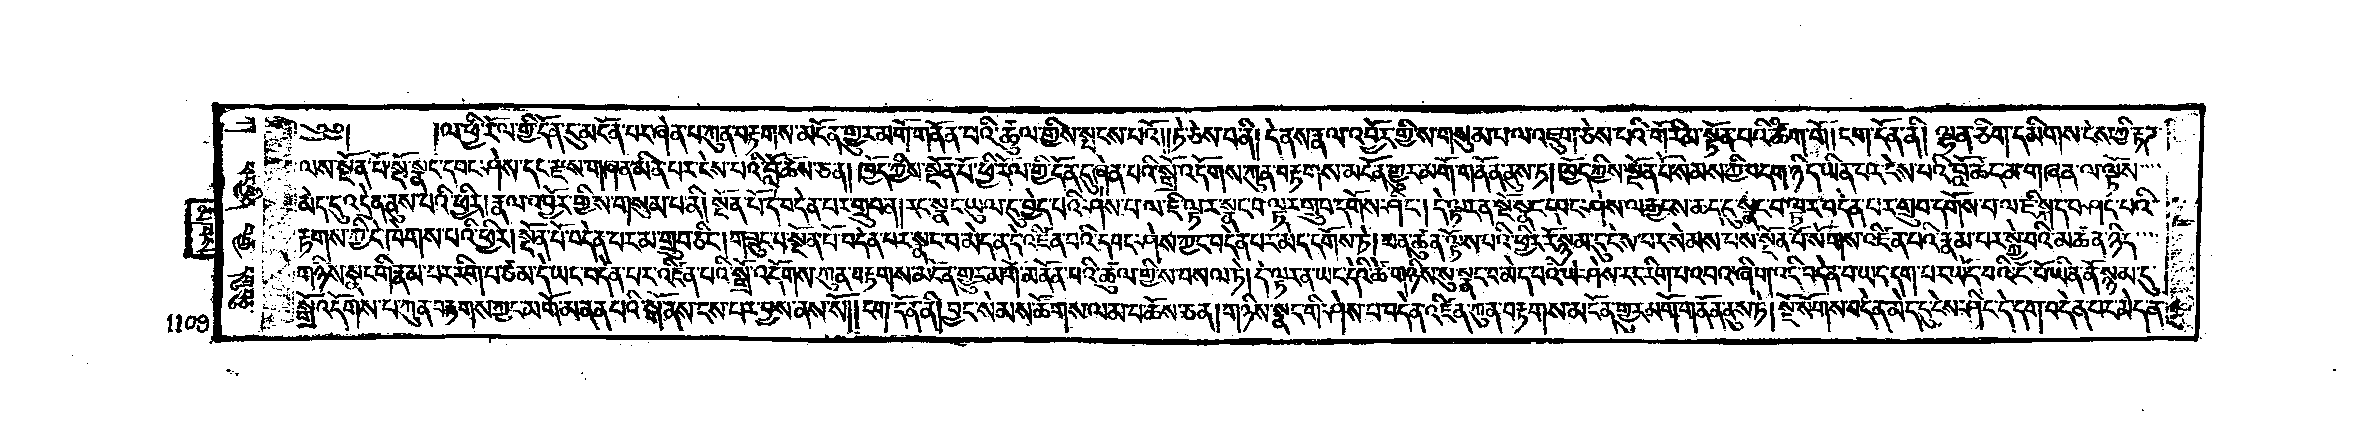༄༅། །ལ་ཕྱི་རོལ་གྱི་དོན་དུ་མངོན་པར་ཞེན་པ་ཀུན་བརྟགས་མངོན་གྱུར་མགོ་གནོན་པའི་ཚུལ་གྱིས་སྤངས་པའོ། །ཏེ་ཅེས་པ་ནི། དེ་ནས་རྣལ་འབྱོར་གྱི་ས་གསུམ་པ་ལ་འཇུག་ཅེས་པའི་གོ་རིམ་སྟོན་པའི་ཚིག་གོ། ངག་དོན་ནི། ལྷན་ཅིག་དམིགས་ངེས་ཀྱི་རྟགས་
ལས་སྔོན་པོ་སྔོ་སྣང་དབང་ཤེས་དང་རྫས་གཞན་མིན་པར་ངེས་པའི་བློ་ཆོས་ཅན། ཁྱོད་ཀྱིས་སྔོན་པོ་ཕྱི་རོལ་གྱི་དོན་དུ་ཞེན་པའི་སྒྲོ་འདོགས་ཀུན་བརྟགས་མངོན་གྱུར་མགོ་གནོན་ནུས་ཏེ། ཁྱོད་ཀྱིས་སྔོན་པོ་སེམས་ཀྱི་བདག་ཉིད་ཡིན་པར་ངེས་པའི་བློ་ཆེད་མ་གཞན་ལ་ལྟོས་
མེད་དུ་འདྲེན་ནུས་པའི་ཕྱིར། རྣལ་འབྱོར་གྱི་ས་གསུམ་པ་ནི། དངོན་པོ་དེ་བདེན་པར་གྲུབ་ན། རང་སྣང་ཡུལ་དུ་བྱེད་པའི་ཤེས་པ་ལ་ཇི་ལྟར་སྣང་བ་ལྟར་གྲུབ་དགོས་ཤིང་། དེ་ལྟར་ན་སྔོ་སྣང་དབང་ཤེས་ལ་རྒྱངས་ཆད་དུ་སྣང་བ་ལྟར་བདེན་པར་གྲུབ་དགོས་པ་ལ་ཇི་སྐད་བཤད་པའི་
རྟགས་ཀྱི་དེ་ཁེགས་པའི་ཕྱིར། སྔོན་པོ་བདེན་པར་མ་གྲུབ་ཅིང་། གཟུང་པ་སྔོན་པོ་བདེན་པར་སྣང་བ་མེད་ན་དེ་འཛིན་པའི་དབང་ཤེས་ཀྱང་བདེན་པར་མེད་དགོས་ཏེ། ཕན་ཚུན་ལྟོས་པའི་ཕྱིར་རོ་སྙམ་དུ་ངེས་པར་སེམས་པས་སྔོན་པོ་སོགས་འཛིན་པའི་རྣམ་པར་སྐྱེ་བའི་མཚན་ཉིད་
གཉིས་སྣང་གི་རྣམ་པར་རིག་པ་ཙམ་དེ་ཡང་བདེན་པར་འཛིན་པའི་སྒྲོ་འདོགས་ཀུན་བརྟགས་མངོན་གྱུར་མགོ་མནོན་པའི་ཚུལ་གྱི་ས་བསལ་ཏེ། དེ་ལྟར་ན་ཡང་དེའི་ཚེ་གཉིས་སུ་སྣང་བ་མེད་པའི་ཡེ་ཤེས་རང་རིག་པ་འབའ་ཞིག་འདི་བདེན་པ་ཡང་དག་པར་ཡོད་པའི་ངོ་བོ་ཡིན་ནོ་སྙམ་དུ་
སྒྲོ་འདོགས་པ་ཀུན་བརྟགས་ཀྱང་མགོ་མནན་པའི་སྒོ་ནས་ངེས་པར་བྱས་ནས་སོ། །ངག་དོན་ནི། བྱང་སེམས་ཚོགས་ལམ་པ་ཆོས་ཅན། གཉིས་སྣང་གི་ཤེས་པ་བདེན་འཛིན་ཀུན་བརྟགས་མངོན་གྱུར་མགོ་གནོན་ནུས་ཏེ། སྔོ་སོགས་བདེན་མེད་དུ་ངེས་ཤིང་དེ་དག་བདེན་པར་མེད་ན་